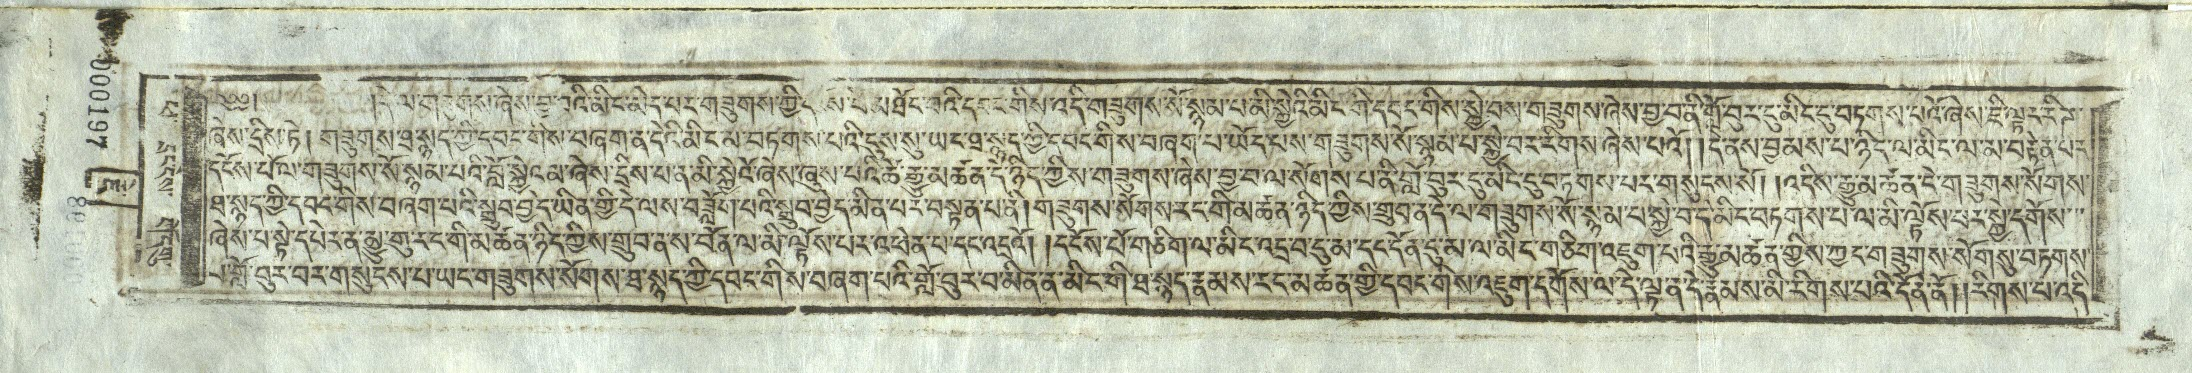༄༅། །དེ་ལ་གཟུགས་ཞེས་བྱ་བའི་མིང་མེད་པར་གཟུགས་ཀྱི་དངོས་པོ་མཐོང་བའི་དབང་གིས་འདི་གཟུགས་སོ་སྙམ་པ་མི་སྐྱེའི་མིང་གི་དབང་གིས་སྐྱེ་བས་གཟུགས་ཞེས་བྱ་བ་ནི་ཀློ་བུར་དུ་མིང་དུ་བཏགས་པའོ་ཞེས་ཇི་ལྟར་རིགས་
ཞེས་དྲིས་ཏེ། གཟུགས་ཐ་སྙད་ཀྱི་དབང་གིས་བཞག་ན་དེའི་མིང་མ་བཏགས་པའི་དུས་སུ་ཡང་ཐ་སྙད་ཀྱི་དབང་གིས་བཞག་པ་ཡོད་པས་གཟུགས་སོ་སྙམ་པ་སྐྱེ་བར་རིགས་ཞེས་པའོ། །དེ་ནས་བྱམས་པ་ཉིད་ལ་མིང་ལ་མ་བརྟེན་པར་
དངོས་པོ་ལ་གཟུགས་སོ་སྙམ་པའི་བློ་སྐྱེའམ་ཞེས་དྲིས་པ་ན་མི་སྐྱེའོ་ཞེས་ཞུས་པའི་ཚེ་རྒྱུ་མཚན་དོ་ཉིད་ཀྱིས་གཟུགས་ཞེས་བྱ་བ་ལ་སོགས་པ་ནི་གློ་བུར་དུ་མིང་དུ་བཏགས་པར་གསུངས་སོ། །འདིས་རྒྱུ་མཚན་དེ་གཟུགས་སོགས་
ཐ་སྙད་ཀྱི་དབང་གིས་བཞག་པའི་སྒྲུབ་བྱེད་ཡིན་གྱི་དེ་ལས་བཟློག་པའི་སྒྲུབ་བྱེད་མིན་པར་བསྟན་པ་ནི། གཟུགས་སོགས་རང་གི་མཚན་ཉིད་ཀྱིས་གྲུབ་ན་དེ་ལ་གཟུགས་སོ་སྙམ་པ་སྐྱེ་བ་དེ་མིང་བཏགས་པ་ལ་མི་ལྟོས་པར་སྐྱེ་དགོས་
ཞེས་པ་སྟེ་དཔེར་ན་མྱུ་གུ་རང་གི་མཚན་ཉིད་ཀྱིས་གྲུབ་ན་ས་བོན་ལ་མི་ལྟོས་པར་འཕེན་པ་དང་འདྲའོ། །དངོས་པོ་གཅིག་ལ་མིང་འདྲ་བ་དུ་མ་དང་དོན་དུ་མ་ལ་མིང་གཅིག་འཇུག་པའི་རྒྱུ་མཚན་གྱིས་ཀྱང་གཟུགས་སོགས་སུ་བཏགས་
པ་གློ་བུར་བར་གསུངས་པ་ཡང་གཟུགས་སོགས་ཐ་སྙད་ཀྱི་དབང་གིས་བཞག་པའི་གློ་བུར་བ་མིན་ན་མིང་གི་ཐ་སྙད་རྣམས་རང་མཚན་གྱི་དབང་གིས་འཇུག་དགོས་ལ་དེ་ལྟ་ན་དེ་རྣམས་མི་རིགས་པའི་དོན་ནོ། །རིགས་པ་འདི་